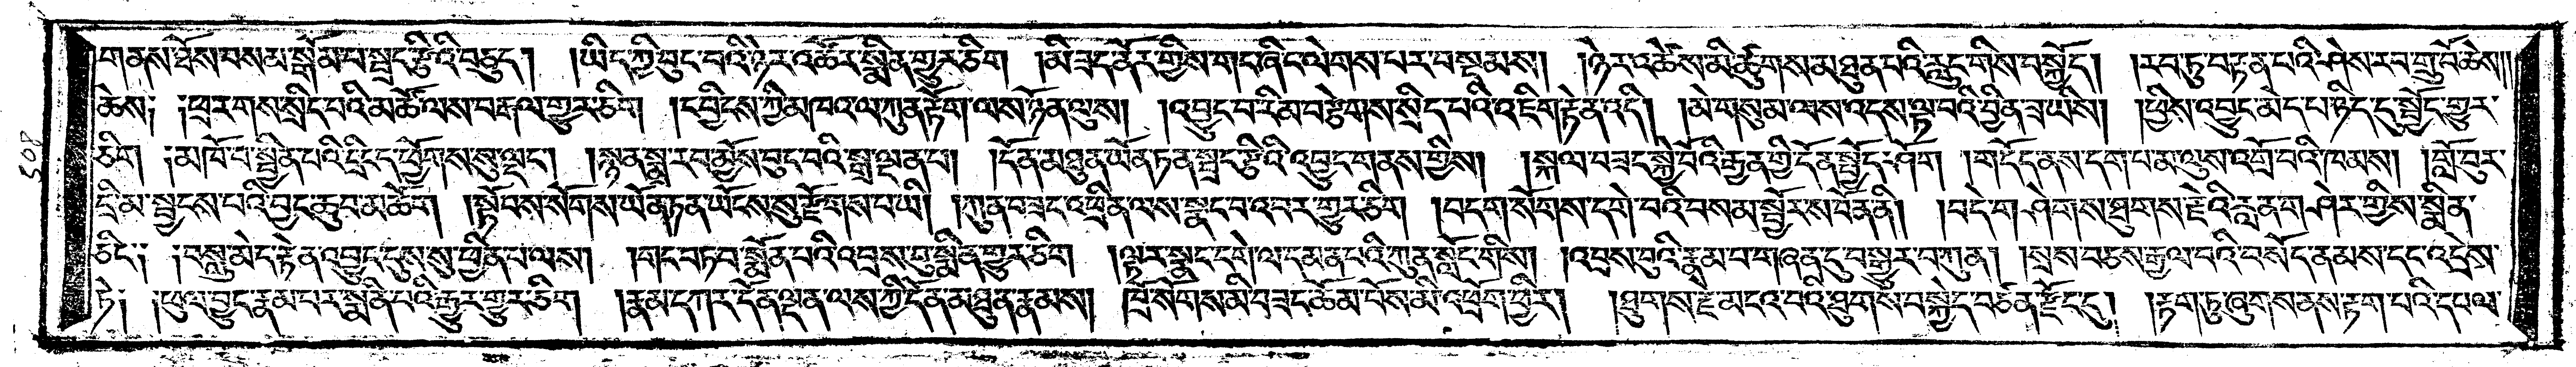གནས་ཐོས་བསམ་སྒོམ་པ་སྦྲང་རྩིའི་བཅུད། །ཡིད་ཀྱི་བུང་བའི་ཉེར་འཚོར་སྨིན་གྱུར་ཅིག །མི་ཟད་ནོར་གྱིས་གང་ཞིང་ལེགས་པར་བསྡམས། །ཉེར་འཚེས་མི་ཚུགས་མཐུན་བའི་རླུང་གིས་བསྐྱོད། །རབ་ཏུ་བརྟན་པའི་ཤེས་རབ་གྲུབ་བོ་ཆེས།།
ཆེས༑ ༑ཕྲ་རགས་སྲིད་པའི་མཚོ་ལས་བརྒལ་གྱུར་ཅིག །དབྱིངས་ཀྱི་མཁའ་ལ་ཀུན་རྟོག་ལས་ཉོན་ལུས། །འབྱུང་བ་རིམ་བརྩེགས་སྲིད་པའི་འཇིག་རྟེན་འདི། །མེ་གསུམ་ལས་འདས་ལྟ་བའི་བྱིན་ཟ་ཡིས། །ཕྱིས་འབྱུང་མེད་པ་ཉིད་དུ་སྦྱོང་གྱུར་
ཅིག །མཁོ་བ་སྦྱིན་བའི་དྲིང་ད་ཕྱོགས་སུ་ལྡང་། །སྙན་སྨྲ་རབ་མྱོས་བུང་བའི་སྒྲ་ལྔན་པ། །དོན་མཐུན་ཡོན་ཏན་སྦྲང་རྩིའི་འབྱུང་གནས་གྱིས། །སྐལ་བཟང་སྐྱེ་བོའི་རྒྱན་གྱི་དོན་སྤྱོད་ཤོག །གདོད་ནས་དག་པ་མ་ལུས་འགྲོ་བའི་ཁམས། །གློ་བུར་
དྲི་མ་སྦྱངས་པའི་བྱང་ཆུབ་མཆོག །སྟོབས་སོགས་ཡོན་ཏན་ཡོངས་སུ་རྫོགས་པ་ཡི། །ཀུན་བཟང་འཕྲིན་ལས་སྣང་བ་འབར་གྱུར་ཅིག །བདག་སོགས་དགེ་བའི་བསམ་སྦྱོར་ས་བོན་ནི། །བདེ་གཤེགས་ཐུགས་རྗེའི་རླན་གཤེར་གྱིས་སྨིན་
ཅིང༑ ༑བསླུ་མེད་རྟེན་འབྱུང་དུས་སུ་ཕྱིན་པ་ལས། །གང་བཏབ་སྨོན་པའི་འབྲས་བུ་སྨིན་གྱུར་ཅིག །ལྟར་སྣང་དགེ་ལ་དམན་བའི་ཀུན་སློང་གིས། །འབྲས་བུའི་རྣམ་པ་གཞན་དུ་བསྒྱུར་བ་ཀུན། །སྲས་བཅས་རྒྱལ་བའི་བསོད་ནམས་དང་འདྲེས་
ཏེ༑ ༑ཕུལ་བྱུང་རྣམ་བར་སྨ་ནི་པའི་རྒྱུར་གྱུར་ཅིང་། །རྣམ་དཀར་དོན་ལྡན་ལས་ཀྱི་དོན་མཐུན་རྣམས། ཁྲོ་སོགས་མི་བཟང་ཆོམ་པོས་མི་འཕྲོག་ཕྱིར། །ཐུགས་རྗེ་མངའ་བའི་ཐུགས་བསྐྱེད་བཙན་རྫོབ་དུ། །རྟག་ཏུ་ཞུགས་ནས་རྟག་པའི་དཔལ་